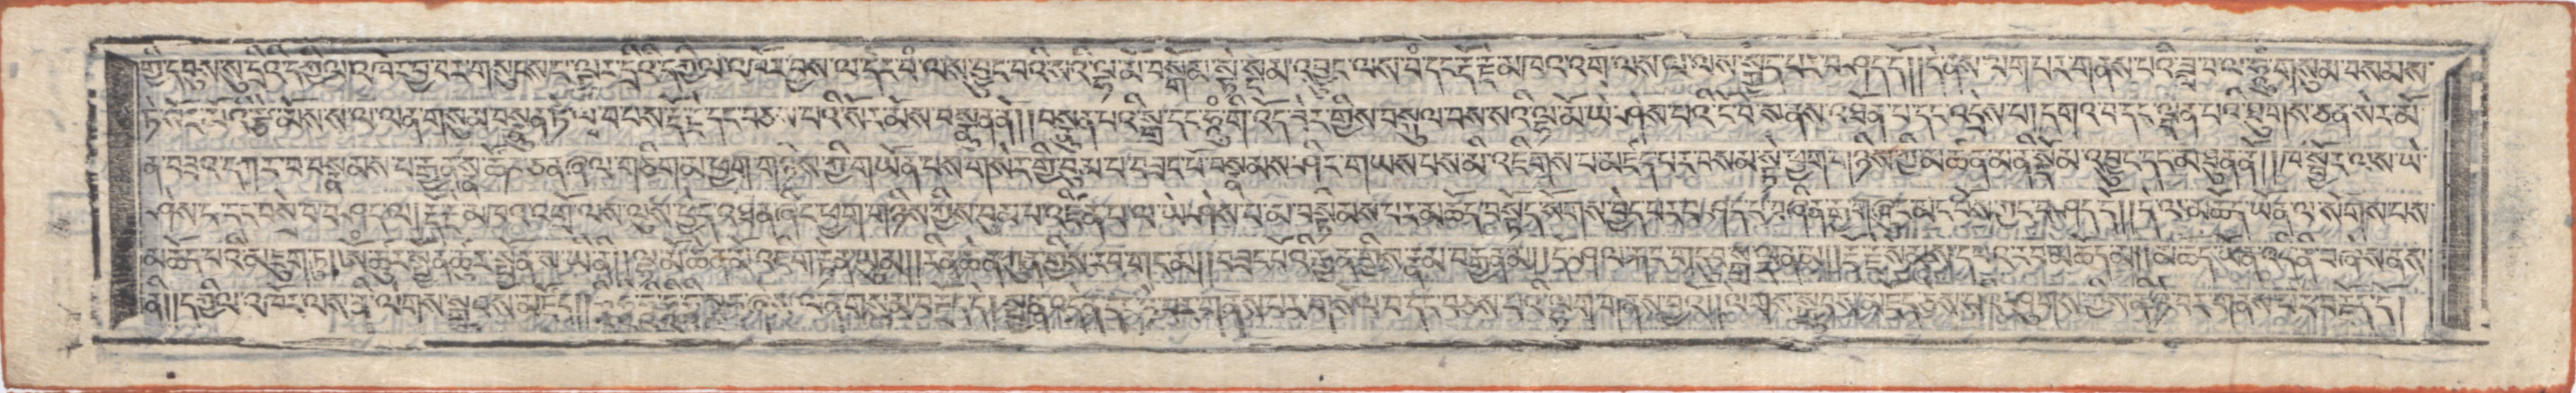གྱི་དབུས་སུ་དྲིའི་དཀྱིལ་འཁོར་བྱ་བར་གསུངས་པ་ལྟར་དྲིའི་དཀྱིལ་འཁོར་བྱས་ལ་དེར་བཾ་ལས་བྱུང་བའི་སའི་ལྷ་མོ་བསྒོམ་སྟེ་སྡོམ་འབྱུང་ལས་བཾ་དང་རྡོ་རྗེ་མཁའ་འགྲོ་ལས་ལ་ལས་སྐྱེད་པར་བཤད་དོ། །དེ་ནས་ལག་པར་གནས་པའི་ཟླ་བ་ལ་ཧཱུཾ་གསུམ་བསམས་
ཏེ་སོར་མོའི་རྩེ་མོས་ས་ལ་ལན་གསུམ་བསྣུན་ཏེ་ལྭ་བ་པས་རྡོ་རྗེ་དང་བཅས་པའི་སོར་མོས་བསྣུན་ནོ། །བསྣུན་པའི་སྒྲ་དང་ཧཱུཾ་གི་འོད་ཟེར་གྱིས་བསྐུལ་བས་སའི་ལྷ་མོ་ཡེ་ཤེས་པའི་ངོ་བོ་ས་ནས་འཐོན་པ་དང་འདྲེས་པ། དགའ་བ་དང་ལྡན་པའི་ཐུགས་ཅན་སེར་མོ་
ན་བཟའ་དཀར་བ་བསྣམས་པ་རྒྱན་སྣ་ཚོགས་ཅན་ཞལ་གཅིག་མ་ཕྱག་གཉིས་ཀྱི་གཡོན་པས་གསེར་གྱི་བུམ་པ་བཟང་པོ་བསྣམས་ཤིང་གཡས་པས་མི་འཇིགས་པ་མཛད་པར་བསམ་སྟེ་ཕྱག་གཉིས་ཀྱི་མཚན་མ་ནི་སྡོམ་འབྱུང་དང་མཐུན་ནོ། །ཁ་སྦྱོར་ལས་ཡེ་
ཤེས་པ་དང་བསྲེ་བ་བཤད་ལ། རྡོ་རྗེ་མཁའ་འགྲོ་ལས་ལུས་ཕྱེད་འཐོན་ཞིང་ཕྱག་གཉིས་ཀྱིས་བུམ་པ་འཛིན་པ་ལ་ཡེ་ཤེས་པ་མ་བསྟིམས་པར་མཆོད་བསྟོད་སོགས་བྱེད་པར་བཤད་པ་བཞིན་རྒྱ་གཞུང་མང་པོས་ཀྱང་བཤད་དོ། །དེ་ལ་མཆོད་ཡོན་ལ་སོགས་པས་
མཆོད་པའི་མཇུག་ཏུ། ཨོཾ་ཚུར་སྤྱོན་ཚུར་སྤྱོན་ས་ཡི་ནི། །ལྷ་མོ་ཆེན་མོ་འཇིག་རྟེན་ཡུམ། །རིན་ཆེན་ཀུན་གྱིས་རབ་གང་མ། །བཟང་པོའི་རྒྱན་གྱིས་རྣམ་བརྒྱན་མ། །དོ་ཤལ་རྐང་གདུབ་སྒྲ་ལྡན་མ། །རྡོ་རྗེ་སེམས་དཔའ་རབ་མཆོད་མ། །མཆོད་ཡོན་འདི་ནི་བཞེས་ནས་
ནི། །དཀྱིལ་འཁོར་ལས་ནི་ལེགས་སྒྲུབས་མཛོད། །ཧཱི་ཧཱི་ཧཱི་ཧཱི་ཧཱི་སྭཱཧཱ་ཞེས་ལན་གསུམ་བརྗོད་དེ། སྤྱན་འདྲེན་དང་ཉེ་བར་གནས་པར་གསོལ་བ་དང་བཅས་པའི་ལྷག་གནས་བྱའོ། །ལེགས་སྒྲུབས་མཛོད་ཅེས་པའི་ཤུགས་ཀྱིས་ནི་ཉེ་བར་གནས་པར་བརྗོད་དོ། །